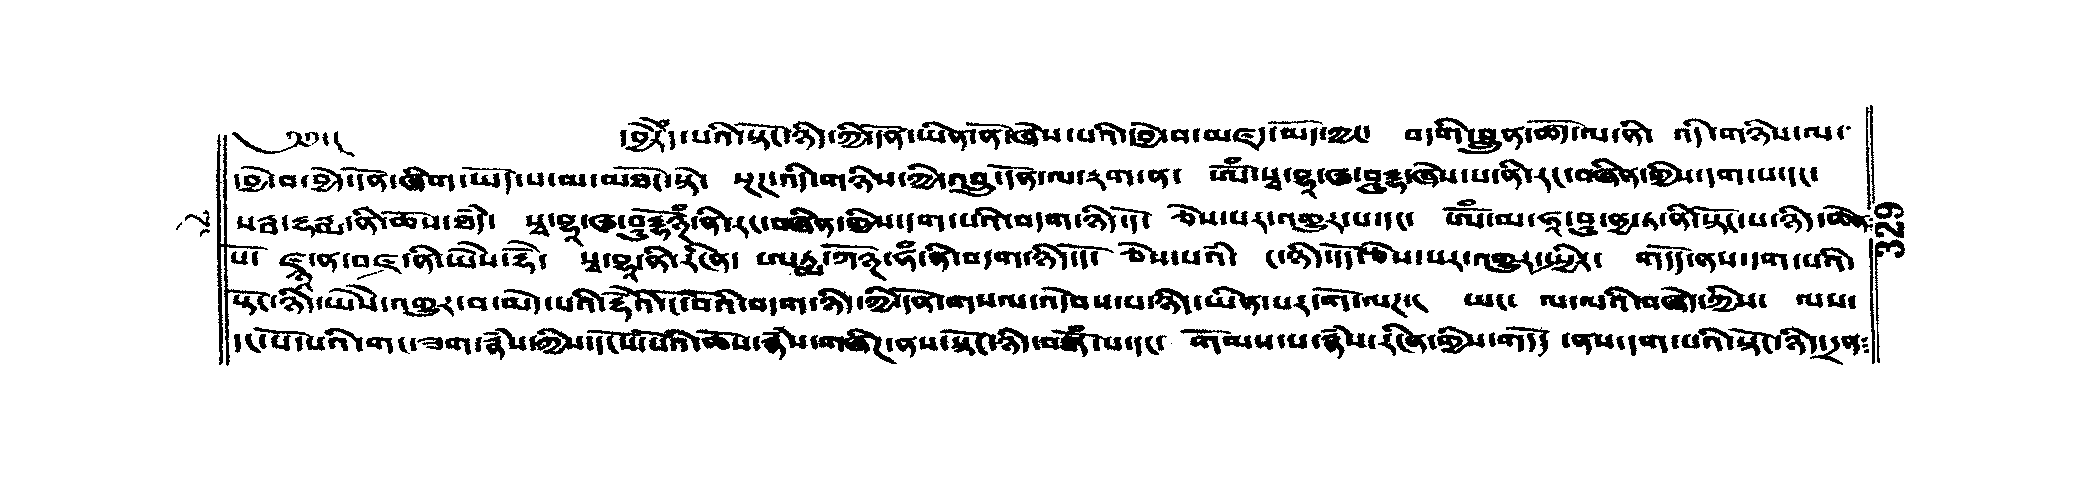དབྱེར་མེད་པའི་སྟོང་ཉིད་ཀྱི་དོན་ཡིན་ནོ་ཞེས་པའི་དབྱེ་བ་མཛད་མོད་ཀྱང་། བདག་གི་བླུན་ཚོད་ལ་ནི། འདི་གཉིས་ལ་
དབྱེ་བ་བྱེད་དོན་ཞིག་ཡོད་པ་མ་མཐོང་སྟེ། སྔགས་འདི་གཉིས་ཀྱི་འབྲུ་དོན་ལ་བརྟག་ན། ཨོཾ་སྭ་བྷཱ་ཝ་ཤུདྡྷ་ཞེས་པ་ནི་རང་བཞིན་གྱིས་དག་པ་དང་། 
སརྦ་དྷརྨ་ནི་ཆོས་ཐམས་ཅད། སྭ་བྷྭ་ཝ་ཤུདྡྷོཉྲཾ་ནི་རང་བཞིན་གྱིས་དག་པའི་བདག་ཉིད་དོ། ཞེས་པར་འགྱུར་པ་དང་། ཨོཾ་མ་ཧཱ་ཤུ་ནྱ་ཏ་ནི་སྟོང་པ་ཉིད་ཆེན་
པོ། ཛྙ་ན་བཛྲ་ནི་ཡེ་ཤེས་རྡོ་རྗེ། སྭ་བྷཱ་ཝ་ནི་རང་བཞིན། ཨཏྨ་ཀོཉྲ་ཧཾ་ནི་བདག་ཉིད་དོ་ཞེས་པའམ། ང་ཉིད་དོ་ཞེས་པར་འགྱུར་སྤྱིར། གདོད་ནས་དག་པའི་
སྟོང་ཉིད་ཡེ་ཤེས་འགྱུར་བ་མེད་པའི་རྡོ་རྗེའི་ངོ་བོའི་བདག་ཉིད་ཀྱི་དོན་གསལ་འདེབས་པ་ཉིད་ཡིན་པར་གོ་ལགས། ཡང་། ལ་ལའི་བཞེད་ཀྱིས། ལས་
དང་པོ་པའི་གང་ཟག་རྣམས་ཀྱིས་དངོས་པོའི་ཆོས་རྣམས་གཞིགས་ནས་སྟོང་ཉིད་བསྒོམ་པ་དང་། གོམས་པ་རྣམས་རང་བཞིན་གྱིས་གདོད་ནས་དག་པའི་སྟོང་ཉིད་དྲན་